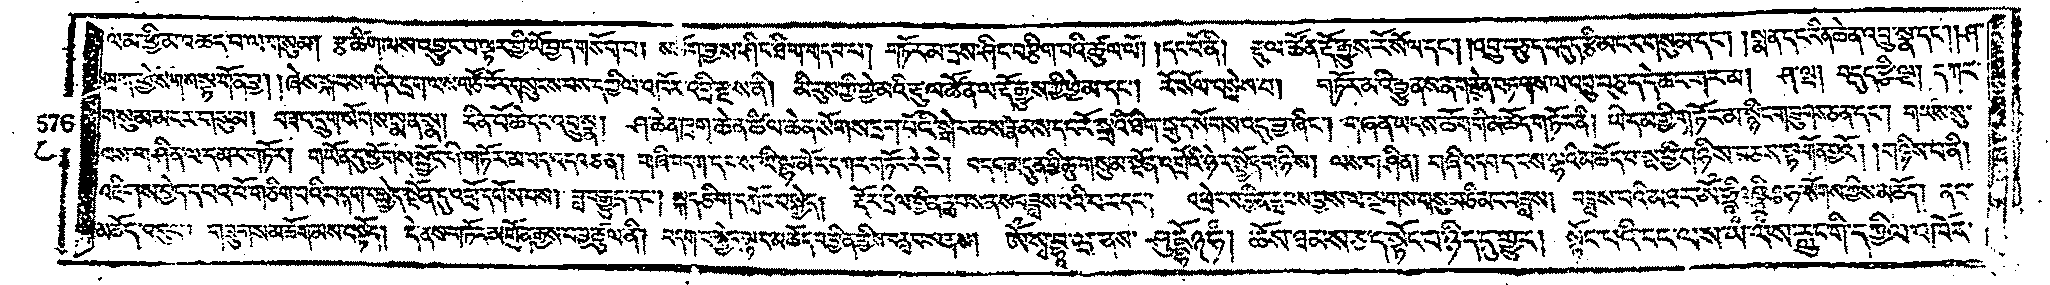ལམ་ཕྱི་མ་འཆད་བ་ལ་གསུམ། རྩ་ཚིག་ལས་འབྱུང་བ་ལྟར་གྱི་ཡོ་བྱད་གསོག་པ། ས་ཆོག་བྱས་ཤིང་ཐིག་གདབ་པ། གཏོར་མ་དྲས་ཤིང་བརྩིག་པའི་ཚུལ་ལོ། །དང་པོ་ནི། རྡུལ་ཚོན་རྡོ་རྒྱུས་རོ་སོལ་དང་། །འབྲུ་བཅུད་བདུད་རྩི་མངར་གསུམ་དང་། །སྨན་དང་རིན་ཆེན་འབྲུ་སྣ་དང་། །ཤ་
ཁྲག་ཕྱེ་སོགས་སྟ་གོན་བྱ། །ཞེས་སྐབས་འདིར་དྲག་ལས་གཙོ་བོར་གསུངས་པས་དཀྱིལ་འཁོར་འབྲི་རྫས་ནི། མི་རུས་ཀྱི་ཕྱེ་མའི་རྡུལ་ཚོན་ལ་རྡོ་རྒྱུས་ཀྱི་ཕྱེ་མ་དང་། རོ་སོལ་བསྲེས་པ། གཏོར་མའི་རྒྱུ་ནས་ནག་རྗེན་བཏགས་ལ་འབྲུ་བཅུད་དེ་ཆང་གར་མ། ཤ་ལྔ། བདུད་རྩི་ལྔ། དཀར་
གསུམ་མངར་གསུམ། བཟང་དྲུག་སོགས་སྨན་སྣ། རིན་པོ་ཆེ་དང་འབྲུ་སྣ། ཤ་ཆེན་ཁྲག་ཆེན་ཚིལ་ཆེན་སོགས་དྲག་པོའི་སྒེར་ཆས་རྣམས་དང་རོ་སྐྲའི་ཐིག་སྐུད་སོགས་འདུ་བྱ་ཞིང་། གཞན་ཡངས་ཆོག་གི་མཆོད་གཏོར་ནི། ཡི་དམ་གྱི་གཏོར་མ་སྙིང་གཟུགས་ཅན་དང་། གཡས་སུ་
ལས་གཤིན་ལ་དམར་གཏོར། གཡོན་དུ་ཕྱོགས་སྐྱོང་གི་གཏོར་མ་བད་འདབ་ཅན། གཞི་བདག་དང་ས་ཡི་ལྷ་མོར་དཀར་གཏོར་རེ་རེ། བདག་མདུན་གྱི་ཆུ་གསུམ་སྔོན་འགྲོའི་ཉེར་སྤྱོད་གཉིས། ལས་གཤིན། གཞི་བདག་དང་ས་ལྷའི་མཆོད་བ་སྔ་ཕྱི་གཉིས་བཅས་སྟ་གོན་བྱའོ། །གཉིས་པ་ནི།
འཇིགས་བྱེད་དཔའ་བོ་གཅིག་པའི་བདག་བསྐྱེད་སྔོན་དུ་འགྲོ་དགོས་པས། ཀླ་བརྒྱུད་དང་། སྐད་ཅིག་དཀྲོང་བསྐྱེད། རྡོར་དྲིལ་ཕྱིན་རླབས་ནས་བཟླས་པའི་བར་དང་། འཕྲེང་བ་བྱིན་རླབས་བྱས་ལ་སྔགས་གསུམ་ཅི་མང་བཟླས། བཟླས་པའི་མཐར་ཨོཾ་ཧྲཱིཿ ཥཎརིཿ ཧ་སོགས་ཀྱིས་མཆོད། ནང་
མཆོད་འབུལ། གཟུགས་མཆོག་མས་བསྟོད། དེ་ནས་གཏོར་མགྲོན་རྒྱས་བ་བྱ་ཚུལ་ནི། བདག་བསྐྱེད་ལྟར་མཆོད་བ་བྱིན་གྱིས་བརླབས་ནས། ཨོཾ་སྭ་བྷཱ་ཝ་ནས་ཤུདྡྷོཉྟཾ། ཆོས་ཐམས་ཅད་སྟོང་བ་ཉིད་དུ་གྱུར། སྟོང་པའི་ངང་ལས་ཡཾ་ལས་རླུང་གི་དཀྱིལ་འཁོར་